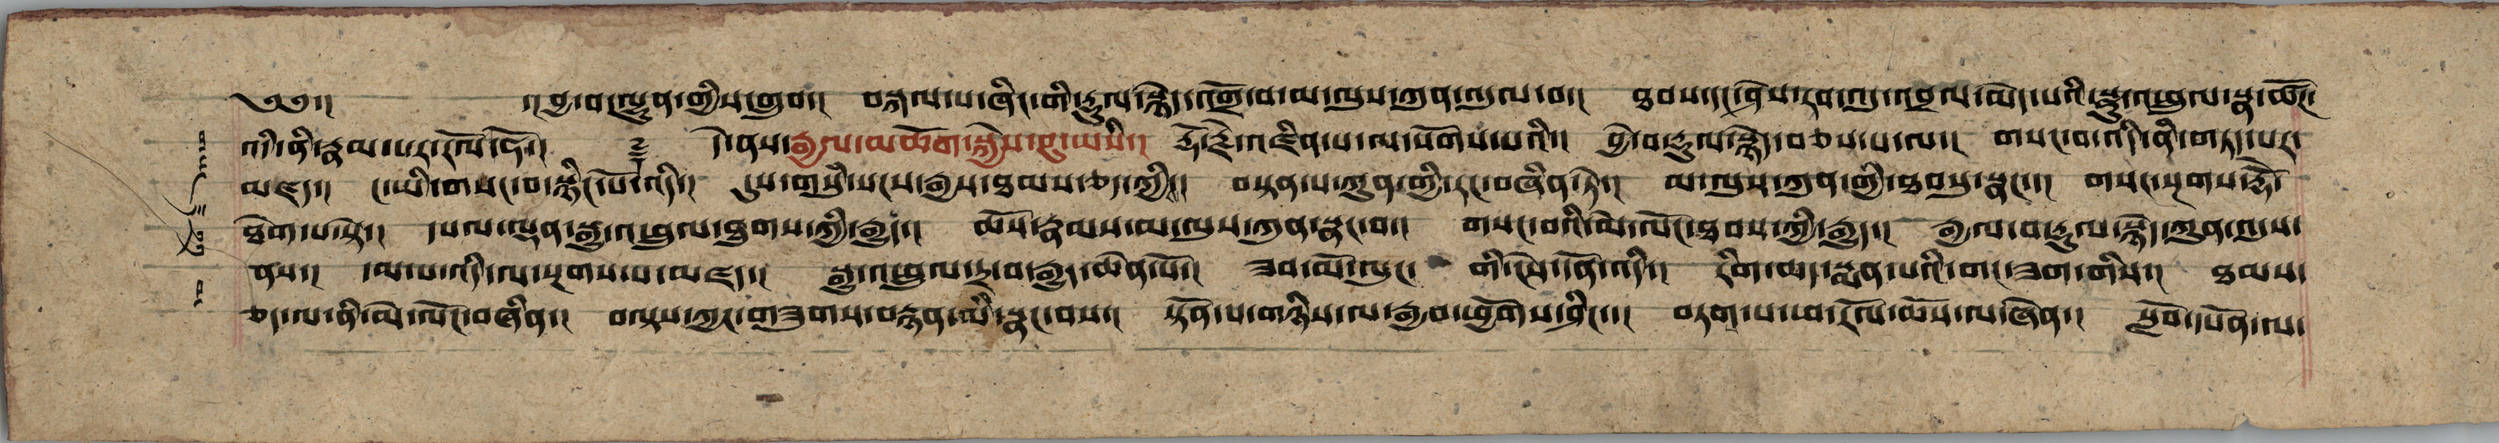༄༅་། ་།བྱ་བ་ལྷུན་གྱིས་གྲུབ་། བསྐལ་པ་ཞིང་གི་རྡུལ་སྙེད་འགྲོ་བ་མ་ལུས་ཀུན་འདུལ་བ་། ཐབས་དང་ཤེས་རབ་འདུ་འབྲལ་མེད་པའི་སྫུ་འཕྲུལ་སྣ་ཚོཌ་
འདི་ནི་རྣམ་པར་རོལ་ཧོ་། ༈ དེ་ནས་རྒྱལ་མཆོག་་སྐྱེས་བུ་ཡིས་། རྡོ་རྗེ་འཛིན་པ་ལ་སོགས་པའི་། བྱེ་བ་རྡུལ་སྙེད་བཅས་པ་ལ་། གསང་བ་འདི་ནི་གཏད་པར་
མཛད་། ང་ཡི་གསང་བ་སྙིང་པོ་འདི་། དུས་གསུཾ་སངས་རྒྱས་ཐམས་ཅད་ཀྱིས་། བསྟན་པ་ཀུན་གྱི་རང་བཞིན་ཏེ་། མ་ལུས་ཀུན་གྱི་ཐབསུ་སྣང་་། གསང་སྔགས་རྡོེ་
ཐེག་པ་སྟེ་། དཔལ་ལྡན་སྒྱུ་འཕྲུལ་ཐུགས་ཀྱི་རྒྱུད་། ཆོས་རྣམས་མ་ལུས་ཀུན་སྣང་བ་། གསང་བའི་མེ་ལོང་ཐབས་ཀྱི་རྒྱུད་། རྒྱལ་བ་རྡུལ་སྙེད་ཀུན་འདུས་
ནས་། དམ་པ་འདི་ལ་སྔགས་པ་མཛད་། སྒྱུ་འཕྲུལ་དྲ་བ་རྒྱུད་ཆེན་པོ་། ཟབ་མོ་ལུང་ གི་ངེས་དོན་འདི་། རིག་ཆད་སྨན་པའི་གང་ཟག་གིས་། ཐམས་
ཅད་ལ་ནི་མེ་ལོང་བཞིན་། བལྟས་ཀྱང་གཟུགས་བརྙན་མི་སྣང་བས་། སྟོན་པ་གཉིས་ལ་རྒྱབ་ཕྱོགས་ཤིང་་། བཏག་པ་ཕ་རོལ་ཆོས་ལ་ཞེན་། སློབ་དཔོན་ལ་